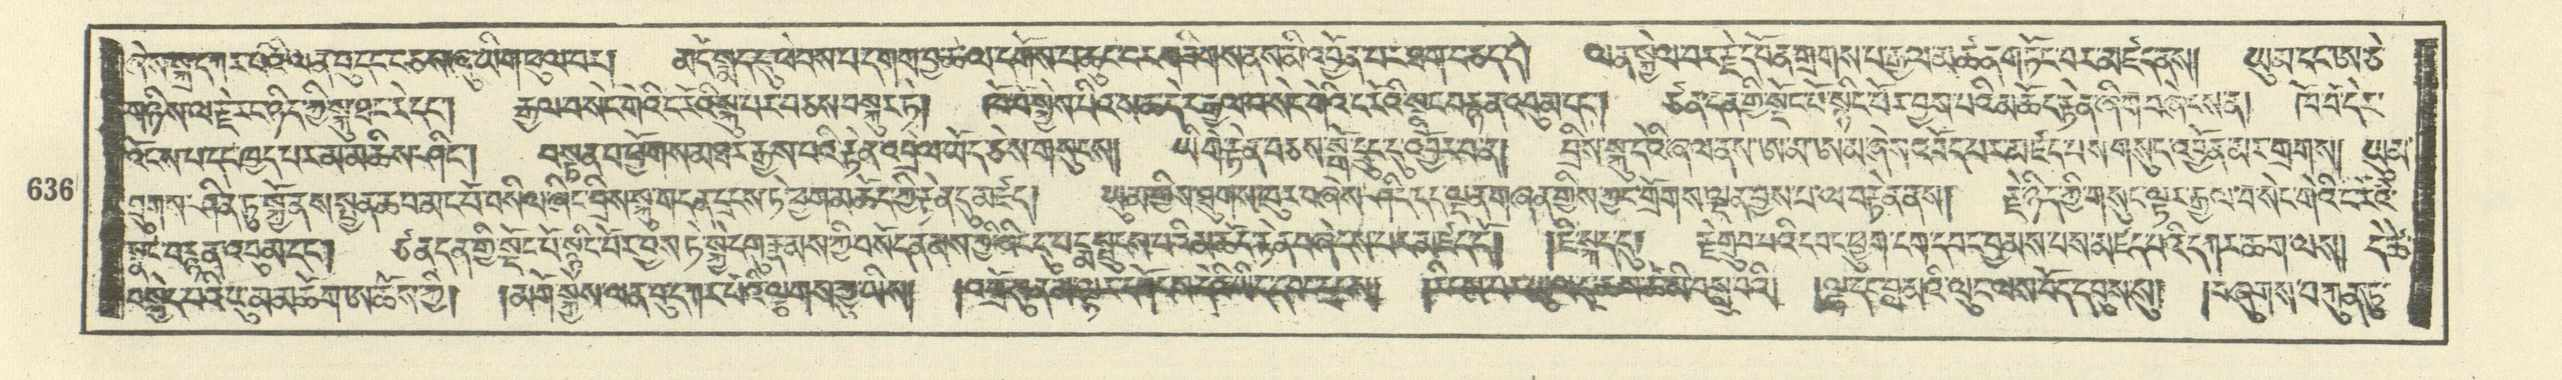ཞེས་སྐྲ་དཀར་པོའི་ལན་བུ་དང་བཅས་ཞུ་ཡིག་ཕུལ་བར། མདོ་སྨད་དུ་ཕེབས་པ་དགག་བྱ་ཆེ་ལ་དགོས་པ་ཆུང་བར་གཟིགས་ནས་མི་འབྱོན་པར་ཐག་བཅད་དེ། ལན་སྐྱེལ་བར་རྗེ་དབོན་གྲགས་པ་རྒྱལ་མཚན་གཏོང་བར་མཛད་ནས། ཡུམ་དང་ཨ་ཅེ་
གཉིས་ལ་རྗེ་རང་ཉིད་ཀྱི་སྐུ་ཐང་རེ་དང་། རྒྱལ་བ་སེང་གེའི་ང་རོའི་སྐུ་པར་བཅས་བསྐུར་ཏེ། ཁོ་བོ་སྐྱེས་པའི་ས་ཆ་དེར་རྒྱལ་བ་སེང་གེའི་ང་རོའི་སྣང་བརྙན་འབུམ་དང་། ཙན་དན་གྱི་སྡོང་པོ་སྙིང་པོར་བྱས་པའི་མཆོད་རྟེན་ཞིག་བཞེངས་ན། ཁོ་བོ་དེར་
འོངས་པ་དང་ཁྱད་པར་མ་མཆིས་ཤིང་། བསྟན་པ་ཕྱོགས་མཐར་རྒྱས་པའི་རྟེན་འབྲེལ་ཡོད་ཅེས་གསུངས། ཡི་གེ་རྟེན་བཅས་སྒོ་དྲུང་དུ་འབྱོར་བ་ན། བྲིས་སྐུ་དེའི་ཞལ་ནས་ཨ་མ་ཨ་མ་ཞེས་འབོད་པར་མཛད་པས་གསུང་འབྱོན་མར་གྲགས། ཡུམ་
ཐུགས་ཤིན་ཏུ་སྐྱོ་ནས་སྤྱན་ཆབ་མང་བོ་བསིལ་ཞིང་བྲིས་སྐུ་གདན་དྲངས་ཏེ་ཕྱག་མཆོད་ཀྱི་རྟེན་དུ་མཛད། ཡུམ་གྱིས་ཐུགས་ཁུར་བཞེས་ཤིང་དང་ལྡན་གཞན་གྱིས་ཀྱང་གྲོགས་ལྡན་བྱས་པ་ལ་བརྟེན་ནས། རྗེ་ཉིད་ཀྱི་གསུང་ལྟར་རྒྱལ་བ་སེང་གེའི་ང་རོའི་
སྣང་བརྙན་འབུམ་དང་། ཙན་དན་གྱི་སྡོང་པོ་སྙིང་པོར་བྱས་ཏེ་སྐྱི་དགུ་རྣམས་ཀྱི་བསོད་ནམས་ཀྱི་ཞིང་དུ་པདམ་སྤུངས་པའི་མཆོད་རྟེན་བཞེངས་པར་མཛད་དོ། །ཇི་སྐད་དུ། རྗེ་གྲུབ་པའི་དབང་ཕྱུག་ངག་དབང་བྱམས་བས་མཛད་པའི་དཀར་ཆག་ལས། དེ་ཚེ་
བསྐྱེད་པའི་ཡུམ་མཆོག་ཨ་ཆོས་ཀྱི། །མགོ་སྐྱེས་ལན་བུ་དཀར་པོའི་ལྕགས་ཀྱུ་ཡིས། །འགྲོ་ཀུན་མ་ལྟར་དགོངས་དེའི་ཡིད་དབང་དྲངས། །རིངས་པར་ཡུལ་དུ་ཆས་ཚེ་མི་བསླུ་བའི། །ལྷ་དང་བླ་མའི་ལུང་ལས་བོད་དབུས་སུ། །བཞུགས་པ་ཀུན་ཏུ་